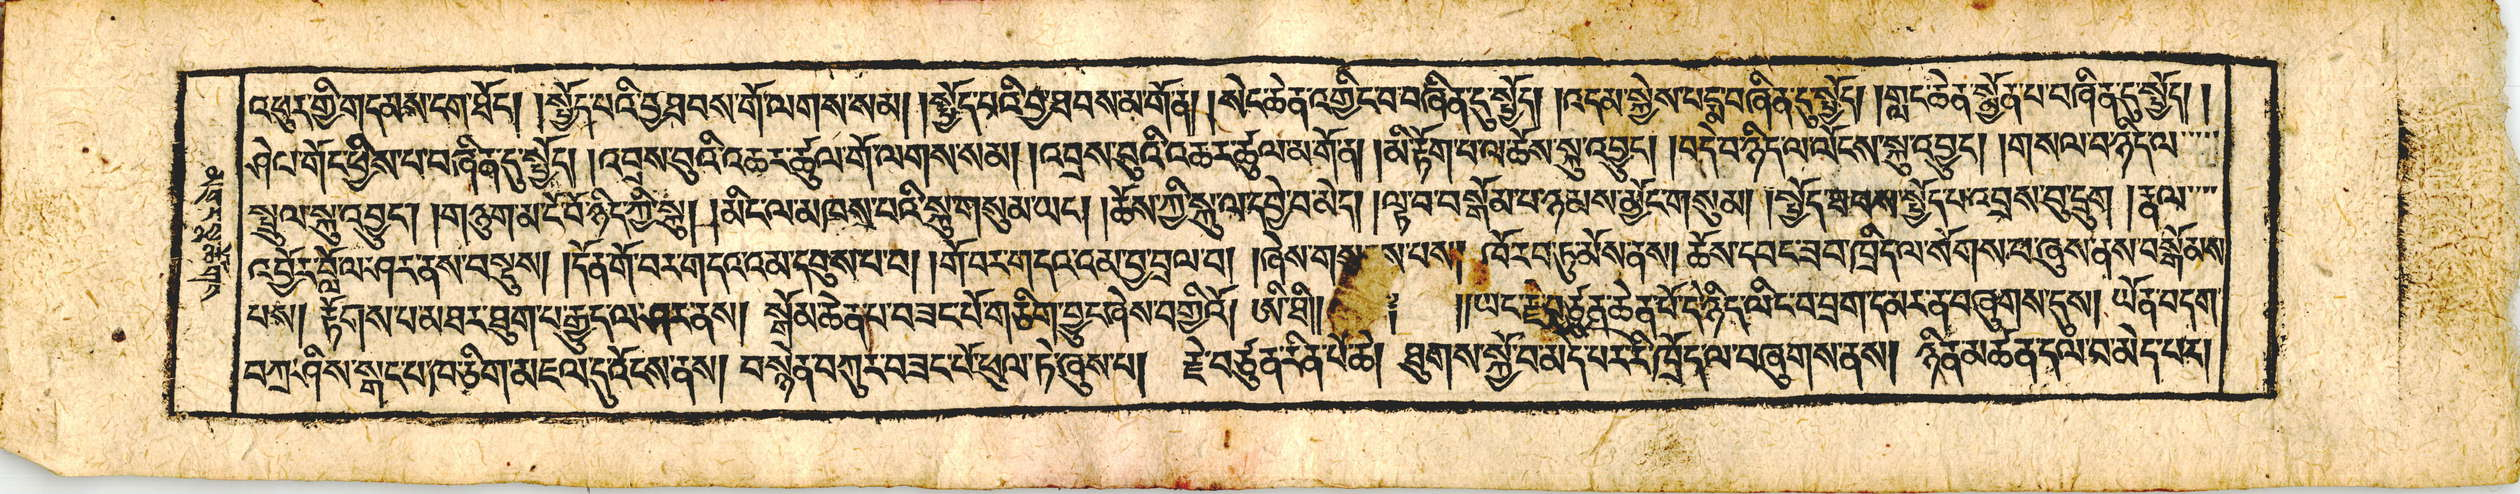འཕུར་གྱི་གདམས་ངག་ཐོང་། །སྤྱོད་པའི་བྱ་ཐབས་གོ་ལགས་སམ། །སྤྱོད་པའི་བྱ་ཐབས་མ་གོ་ན། །སེང་ཆེན་འགྱིང་བ་བཞིན་དུ་སྤྱོད། །འདམ་སྐྱེས་པདྨ་བཞིན་དུ་སྤྱོད། །གླང་ཆེན་སྨྱོན་པ་བཞིན་དུ་སྤྱོད། །
ཤེལ་གོང་ཕྱིས་པ་བཞིན་དུ་སྤྱོད། །འབྲས་བུའི་འཆར་ཚུལ་གོ་ལགས་སམ། །འབྲས་བུའི་འཆར་ཚུལ་མ་གོ་ན། །མི་རྟོག་པ་ལ་ཆོས་སྐུ་འབྱུང་། །བདེ་བ་ཉིད་ལ་ལོངས་སྐུ་འབྱུང་། །གསལ་བ་ཉིད་ལ་
སྤྲུལ་སྐུ་འབྱུང་། །གཉུག་མ་ངོ་བོ་ཉིད་ཀྱི་སྐུ། །མིང་ལ་མཁས་པའི་སྐུ་གསུམ་ཡང། །ཆོས་ཀྱི་སྐུ་ལ་དབྱེ་བ་མེད། །ལྟ་བ་བསྒོམ་པ་ཉམས་མྱོང་གསུམ། །སྤྱོད་ཐབས་སྤྱོད་པ་འབྲས་བུ་དྲུག །རྣལ་
འབྱོར་བློ་ལ་ཤར་ནས་བསྡུས། །དོན་གོ་བར་གདའ་འམ་དབུས་པ་བ། །གོ་བར་གདའ་འམ་བྱ་བྲལ་བ། །ཞེས་གསུངས་པས། ཁོ་རབ་ཏུ་མོས་ནས། ཆོས་དབང་ཟབ་ཁྲིད་ལ་སོགས་པ་ཞུས་ནས་བསྒོམས་
པས། རྟོགས་པ་མཐར་ཐུག་པ་རྒྱུད་ལ་ཤར་ནས། སྒོམ་ཆེན་པ་བཟང་པོ་གཅིག་བྱུང་ཞེས་བགྱིའོ། ཨི་ཐི།། ཡང་རྗེ་བཙུན་ཆེན་པོ་དེ་ཉིད་ལིང་བ་བྲག་དམར་ན་བཞུགས་དུས། ཡོན་བདག་
བཀྲ་ཤིས་སྒང་པ་ཁ་ཅིག་མཇལ་དུ་འོངས་ནས། བསྙེན་བཀུར་བཟང་པོ་ཕུལ་ཏེ་ཞུས་པ། རྗེ་བཙུན་རིན་པོ་ཆེ། ཐུགས་སྐྱོ་བ་མེད་པར་རི་ཁྲོད་ལ་བཞུགས་ནས། ཉིན་མཚན་དལ་བ་མེད་པར།